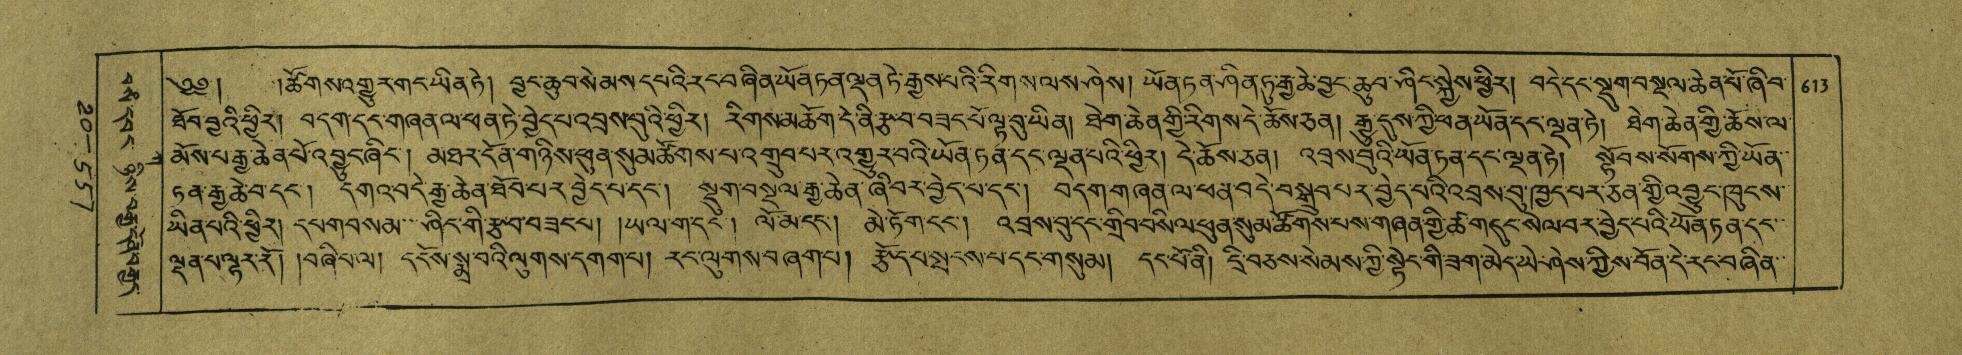༄༅། །ཚོགས་འགྱུར་གང་ཡིན་ཏེ། བྱང་ཆུབ་སེམས་དཔའི་རང་བཞིན་ཡོན་ཏན་ལྡན་ཏེ་རྒྱས་པའི་རིགས་ལས་ཤེས། ཡོན་ཏན་ཤིན་ཏུ་རྒྱ་ཆེ་བྱང་ཆུབ་ཤིང་སྐྱེས་ཕྱིར། བདེ་དང་སྡུག་བསྔལ་ཆེན་པོ་ཞི་བ་
ཐོབ་བྱའི་ཕྱིར། བདག་དང་གཞན་ལ་ཕན་ཏེ་བྱེད་པ་འབྲས་བུའི་ཕྱིར། རིགས་མཆོག་དེ་ནི་རྩ་བ་བཟང་པོ་ལྟ་བུ་ཡིན། ཐེག་ཆེན་གྱི་རིགས་དེ་ཆོས་ཅན། རྒྱུ་དུས་ཀྱི་ཕན་ཡོན་དང་ལྡན་ཏེ། ཐེག་ཆེན་གྱི་ཆོས་ལ་
མོས་པ་རྒྱ་ཆེན་པོ་འབྱུང་ཞིང་། མཐར་དོན་གཉིས་ཕུན་སུམ་ཚོགས་པ་འགྲུབ་པར་འགྱུར་བའི་ཡོན་ཏན་དང་ལྡན་པའི་ཕྱིར། དེ་ཆོས་ཅན། འབྲས་བུའི་ཡོན་ཏན་དང་ལྡན་ཏེ། སྟོབས་སོགས་ཀྱི་ཡོན་
ཏན་རྒྱ་ཆེ་བ་དང་། དགའ་བདེ་རྒྱ་ཆེན་ཐོབ་པར་བྱེད་པ་དང་། སྡུག་བསྔལ་རྒྱ་ཆེན་ཞི་བར་བྱེད་པ་དང་། བདག་གཞན་ལ་ཕན་བདེ་བསྒྲུབ་པར་བྱེད་པའི་འབྲས་བུ་ཁྱད་པར་ཅན་གྱི་འབྱུང་ཁུངས་
ཡིན་པའི་ཕྱིར། དཔག་བསམ་ཤིང་གི་རྩ་བ་བཟང་པ། །ཡལ་ག་དང་། ལོ་མ་དང་། མེ་ཏོག་དང་། འབྲས་བུ་དང་གྲིབ་བསིལ་ཕུན་སུམ་ཚོགས་པས་གཞན་གྱི་ཚ་གདུང་སེལ་བར་བྱེད་པའི་ཡོན་ཏན་དང་
ལྡན་པ་ལྟར་རོ། །བཞི་པ་ལ། དངོས་སྨྲ་བའི་ལུགས་དགག་པ། རང་ལུགས་བཞག་པ། རྩོད་པ་སྤངས་པ་དང་གསུམ། དང་པོ་ནི། དྲི་བཅས་སེམས་ཀྱི་སྟེང་གི་ཟག་མེད་ཡེ་ཤེས་ཀྱི་ས་བོན་དེ་རང་བཞིན་